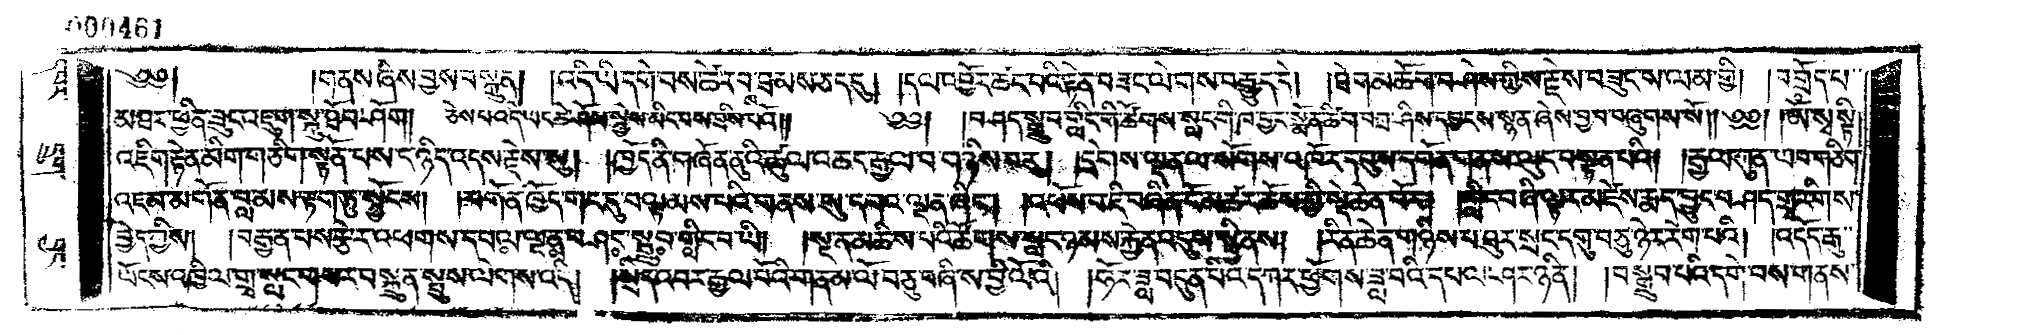༄༅། །གནས་ཞེས་བྱས་བསྐྲུན། །འདི་ཡི་དགེ་བས་ཚེ་རབས་ཐམས་ཅད་དུ། །དལ་འབྱོར་ཚང་བའི་རྟེན་བཟང་ལེགས་བརྒྱུད་དེ། །ཐེག་མཆོག་བཤེས་ཀྱིས་རྗེས་བཟུང་ས་ལམ་གྱི། །བགྲོད་པ་
མཐར་ཕྱིན་ཟུང་འཇུག་སྐུ་ཐོབ་ཤོག ། ཅེས་པ་འདི་ཡང་ཆེ་ཤོས་སྐྱེས་མིང་པས་བྲིས་པའོ།། ༄༅། །བཤད་སྒྲུབ་གླིང་གི་ཚོགས་སླང་གི་ཁ་བྱང་སྨོན་ཚིག་བཀྲ་ཤིས་དབྱངས་སྙན་ཞེས་བྱ་བ་བཞུགས་སོ།།  ༄༅། །ཨོཾ་སྭ་སྟི།
འཇིག་རྟེན་མིག་གཅིག་སྟོན་པས་ང་ཉིད་འདས་རྗེས་སུ། །ཁྱོད་ནི་གཞོན་ནུའི་ཚུལ་འཆང་རྒྱལ་བ་གཉིས་པ་རུ། །དྲེགས་ལྡན་ལ་སོགས་འཁོར་དབུས་དགོན་གནས་ལུང་བསྟན་པའི། །རྒྱལ་ཀུན་ཡབ་གཅིག་
འཇམ་མགོན་བླ་མས་རྟག་ཏུ་སྐྱོངས། །མགོན་ཁྱོད་གང་དུ་བལྟམས་པའི་གནས་སུ་དགའ་ལྡན་ཞིང་། །འཕོས་བ་ཇི་བཞིན་ངོ་མཚར་ཆོས་ཀྱི་སྡེ་ཆེན་པོར། །གླིང་བཞི་ལྟར་མཛེས་རྨད་བྱུང་བཤད་གྲྭ་རིགས་
བྱེད་ཀྱིས། །བརྒྱན་པས་རྩེར་འཕགས་དཔལ྾་ལྡན྾་བཤད྾་སྒྲུབ྾་གླིང་བ་ཡི། །སྔ་ན་མཆིས་པའི་ཚོགས་སླང་ཉམས་རྐྱེན་འདུས་སྤྱི་ནས། །རིན་ཆེན་གཉིས་པ་ཐུར་སྲང་དགུ་བཅུ་ཉེར་རེག་པའི། །འདོད་རྒུ་
ཡོངས་འཁྱིལ་གྲྭ་སླང་གསར་བསྐྲུན་སྤུས་ལེགས་འདི། །སྲིད་འབར་རྒྱལ་པོའི་གནམ་ལོ་བཅུ་བཞི་ས་བྱི་ལོའི། །ཧོར་ཟླ་བདུན་པའི་དཀར་ཕྱོགས་ཟླ་བའི་དཔལ་ཤར་ཉིན། །བསྒྲུབ་པའི་དགེ་བས་གནས་